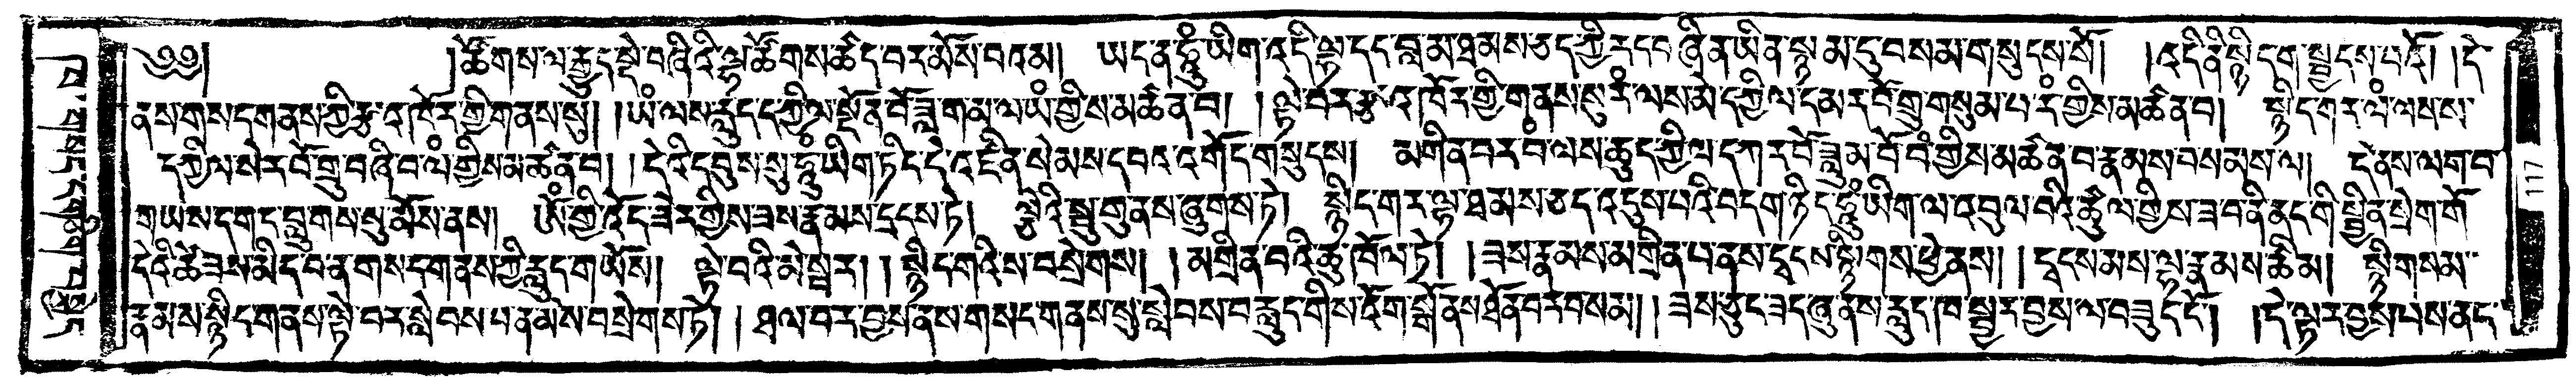༄༅། །ཚོགས་ལ་རྒྱུད་སྡེ་བཞིའི་ལྷ་ཚོགས་ཚད་བར་མོས་བའམ། ཡང་ན་ཧཱུཾ་ཡིག་འདི་ལྷ་དང་བླ་མ་ཐམས་ཅད་ཀྱི་རང་བཞིན་ཡིན་སྙམ་དུ་བསམ་གསུངས་སོ། །འདི་ནི་སྙིང་ག་སྦྱངས་པའོ། །དེ་
ནས་གསང་གནས་ཀྱི་རྩ་འཁོར་གྱི་གནས་སུ། །ཡཾ་ལས་རླུང་དཀྱིལ་སྔོན་པོ་ཟླ་གམ་ལ་ཡཾ་གྱིས་མཚན་བ། །ལྟེ་བར་རྩ་འཁོར་གྱི་གནས་སུ་རཾ་ལས་མེ་དཀྱིལ་དམར་པོ་གྲུ་གསུམ་པ་རཾ་གྱིས་མཚན་བ། སྙིང་གར་ལཾ་ལས་ས་
དཀྱིལ་སེར་པོ་གྲུ་བཞི་བ་ལཾ་གྱིས་མཚན་པ། །དེའི་དབུས་སུ་ཧཱུཾ་ཡིག་ཏིང་ངེ་འཛིན་སེམས་དཔའ་འགོད་གསུངས། མགྲིན་བར་བཾ་ལས་ཆུ་དཀྱིལ་དཀར་པོ་ཟླུམ་པོ་བཾ་གྱིས་མཚན་བ་རྣམས་བསམས་ལ། དེ་ནས་ལག་པ་
གཡས་དགང་བླུགས་སུ་མོས་ནས། ཨོཾ་གྱི་འོད་ཟེར་གྱིས་ཟས་རྣམས་དྲངས་ཏེ། ལྕེའི་སྤུ་གུ་ནས་ཞུགས་ཏེ། སྙིང་གར་ལྷ་ཐམས་ཅད་འདུས་པའི་བདག་ཉིད་ཧཱུཾ་ཡིག་ལ་འབུལ་བའི་ཚུལ་གྱིས་ཟ་བ་ནི་ནང་གི་སྦྱིན་སྲེག་གོ་
དེའི་ཚེ་ཟས་མེད་བ་ན་གསང་གནས་ཀྱི་རླུང་གཡོས། ལྟེ་བའི་མེ་སྦར། །སྙིང་གའི་ས་བསྲེགས། །མགྲིན་བའི་ཆུ་ཁོལ་ཏེ། །ཟས་རྣམས་མགྲིན་པ་ནས་དྭངས་སྙིགས་ཕྱེ་ནས། །དྭངས་མས་ལྷ་རྣམས་ཚིམ། སྙིགས་མ་
རྣམས་སྙིང་གནས་ལྟེ་བར་སླེབས་པ་ན་མེས་བསྲེགས་ཏེ། །ཐལ་བར་བྱས་ནས་གསང་གནས་སུ་སླེབས་བརླུང་གིས་འོག་སྒོ་ནས་ཐོན་བར་བསམ། །ཟས་ཅུང་ཟད་ཞུ་ནས་རླུང་ཁ་སྦྱར་བྱས་ལ་བཟུང་ངོ། །དེ་ལྟར་བྱས་པས་ནད་